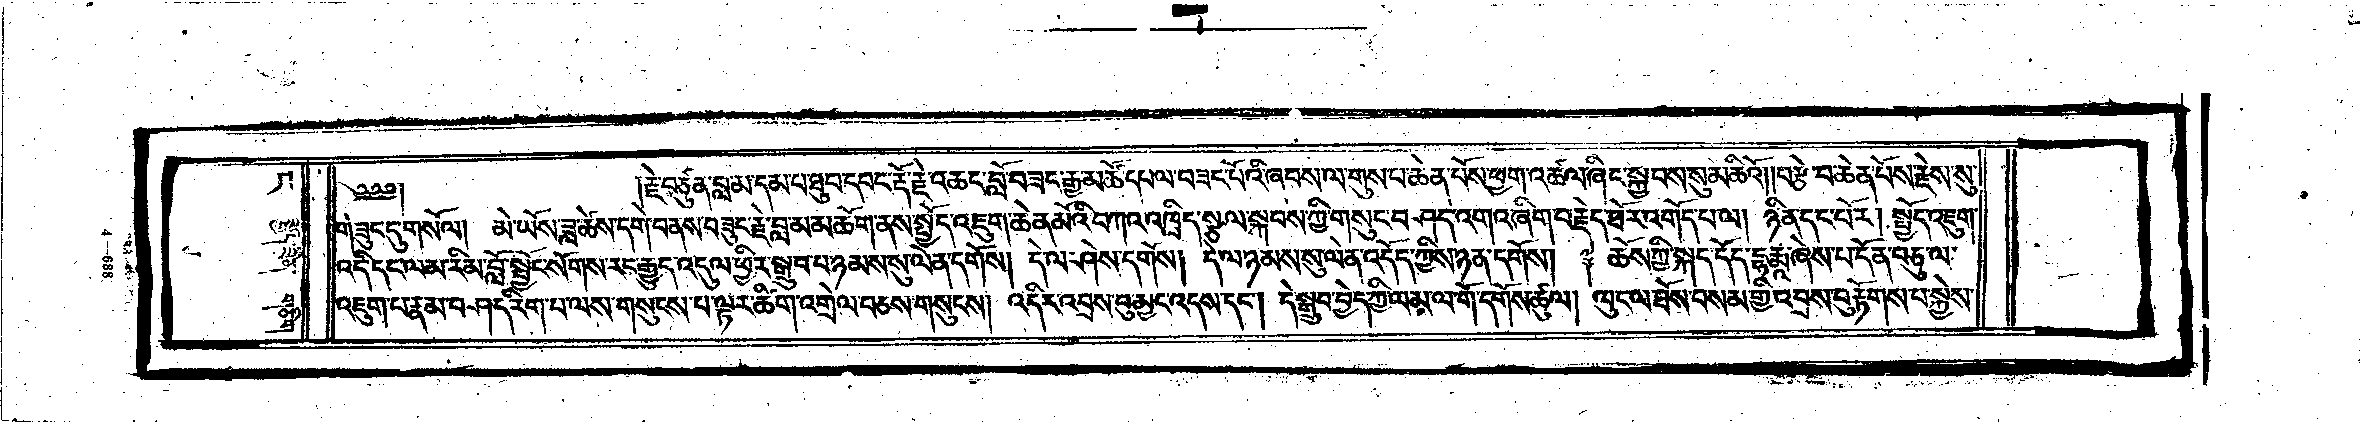༄༅༅། །རྗེ་བཙུན་བླ་མ་དམ་པ་ཐུབ་དབང་རྡོ་རྗེ་འཆང་བློ་བཟང་རྒྱ་མཚོ་དཔལ་བཟང་པོའི་ཞབས་ལ་གུས་པ་ཆེན་པོས་ཕྱག་འཚལ་ཞིང་སྐྱབས་སུ་མཆིའོ། །བརྩེ་བ་ཆེན་པོས་རྗེས་སུ་
གཟུང་དུ་གསོལ། མེ་ཡོས་ཟླ་ཚེས་དགེ་བ་ནས་བཟུང་རྗེ་བླ་མ་མཆོག་ནས་སྤྱོད་འཇུག་ཆེན་མོའི་བཀའ་འཁྲིད་སྩལ་སྐབས་ཀྱི་གསུང་བཤད་འགའ་ཞིག་བརྗེད་ཐོར་འགོད་པ་ལ། ཉིན་དང་པོར། སྤྱོད་འཇུག་
འདི་དང་ལམ་རིམ་བློ་སྦྱོང་སོགས་རང་རྒྱུད་འདུལ་ཕྱིར་སྒྲུབ་པ་ཉམས་སུ་ལེན་དགོས། དེ་ལ་ཤེས་དགོས། དེ་ལ་ཉམས་སུ་ལེན་འདོད་ཀྱིས་ཉན་དགོས། ༈ ཆོས་ཀྱི་སྐད་དོད་དྷརྨཱ་ཞེས་པ་དོན་བཅུ་ལ་
འཇུག་པ་རྣམ་བཤད་རིག་པ་ལས་གསུངས་པ་ལྟར་ཚིག་འགྲེལ་བཅས་གསུངས། འདིར་འབྲས་བུ་མྱང་འདས་དང་། དེ་སྒྲུབ་བྱེད་ཀྱི་ལམ་ལ་གོ་དགོས་ཚུལ། ལུང་ལ་ཐོས་བསམ་གྱི་འབྲས་བུ་རྟོགས་པ་སྐྱེས་